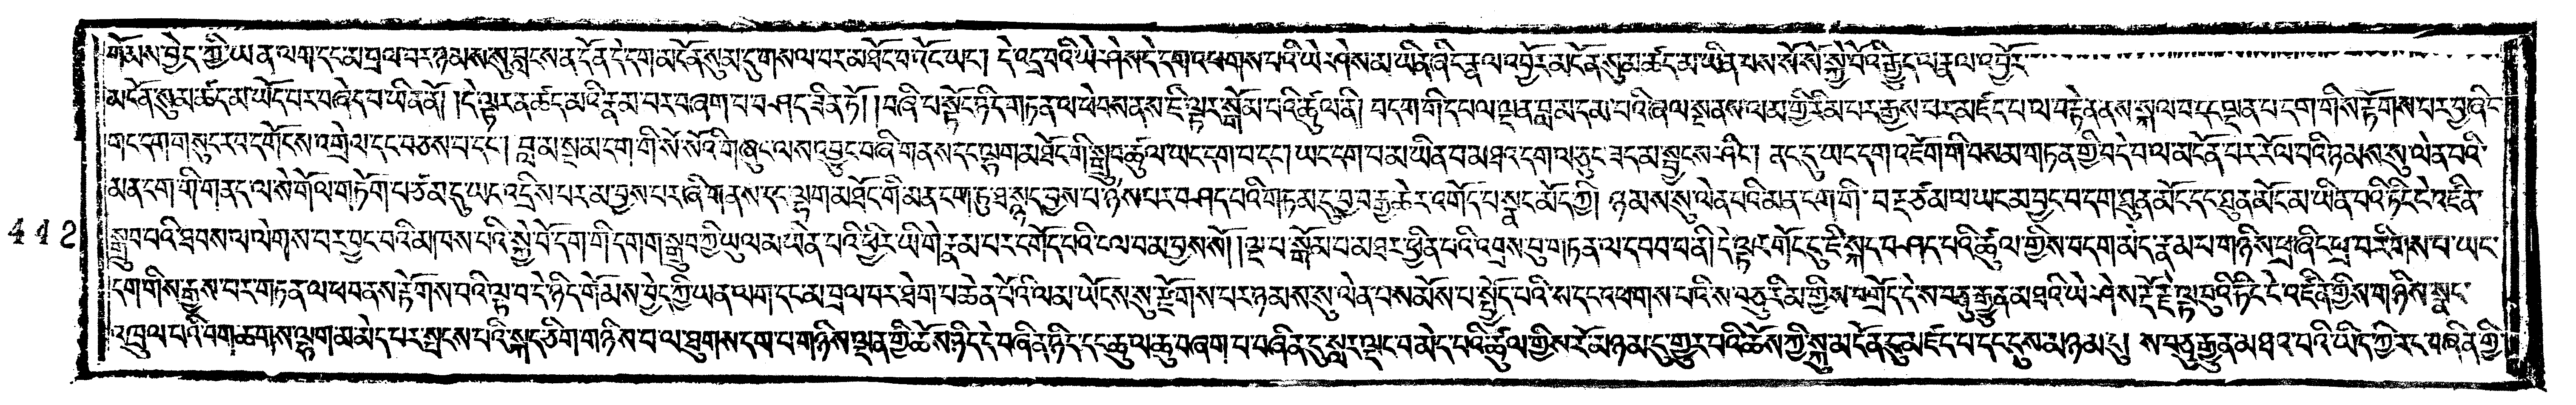གོམས་བྱེད་ཀྱི་ཡན་ལག་དང་མ་བྲལ་བར་ཉམས་སུ་བླངས་ན་དོན་དེ་དག་མངོན་སུམ་དུ་གསལ་བར་མཐོང་བ་འོང་ཡང་། དེ་འདྲ་བའི་ཡེ་ཤེས་དེ་དག་འཕགས་པའི་ཡེ་ཤེས་མ་ཡིན་ཞིང་རྣལ་འབྱོར་མངོན་སུམ་ཚད་མ་ཡིན་པས་སོ་སོ་སྐྱེ་བོའི་རྒྱུད་ལ་རྣལ་འབྱོར་
བ་དོན་སུམ་ཚད་མ་ཡོད་པར་བཞེད་པ་ཡིན་ནོ། །དེ་ལྟར་ན་ཚད་མའི་རྣམ་བར་བཞག་པ་བཤད་ཟིན་ཏོ། །བཞི་པ་སྟོང་ཉིད་གཏན་ལ་ཕེབས་ནས་ཇི་ལྟར་སྒོམ་པའི་ཚུལ་ནི། བདག་གི་དཔལ་ལྡན་བླ་མ་དམ་པའི་ཞལ་སྔ་ནས་ལམ་གྱི་རིམ་པར་རྒྱས་པར་མཛད་པ་ལ་བརྟེན་ནས་སྐལ་བ་དང་ལྡན་བ་དག་གིས་རྟོགས་པར་བྱ་ཞིང་
གང་དག་གསུང་རབ་དགོངས་འགྲེལ་དང་བཅས་པ་དང་། བླ་མ་སྔ་མ་དག་གི་སོ་སོའི་གཞུང་ལས་འབྱུང་བ་ཞི་གནས་དང་ལྷག་མཐོང་གི་སྒྲུབ་ཚུལ་ཡང་དག་བ་དང་། ཡང་དག་བ་མ་ཡིན་པ་མཐའ་དག་ལ་ཅུང་ཟད་མ་སྦྱངས་ཤིང་། ནང་དུ་ཡང་དག་འཇོག་གི་བསམ་གཏན་གྱི་བདེ་བ་ལ་མངོན་བར་རོལ་བའི་ཉམས་སུ་ལེན་བའི་
མན་དག་གི་གནད་ལ་སེ་གོལ་གཏོག་པ་ཙམ་དུ་ཡང་འདྲིས་པར་མ་བྱས་པར་ཞི་གནས་དང་ལྷག་མཐོང་གི་མན་ངག་ཏུ་ཐ་སྙད་བྱས་བ་ཉེས་པར་བཤད་པའི་གཏམ་དུ་བྱ་བ་རྒྱ་ཆེར་འགོད་པ་སྣང་མོད་ཀྱི། ཉམས་སུ་ལེན་པའི་མན་ངག་གི་བརྡ་ཙམ་ལ་ཡང་མ་བྱང་བ་དག་ཐུན་མོང་དང་ཐུན་མོང་མ་ཡིན་བའི་ཏིང་ངེ་འཛིན་
སྒྲུབ་པའི་ཐབས་ལ་ལེགས་པར་བྱང་བའི་མཁས་པའི་སྐྱེ་བོ་དག་གི་དགག་སྒྲུབ་ཀྱི་ཡུལ་མ་ཡིན་པའི་ཕྱིར་ཡི་གེ་རྣམ་པར་དགོད་པའི་དལ་བ་མ་བྱས་སོ། །ལྔ་པ་སྒོམ་པ་མཐར་ཕྱིན་པའི་འབྲས་བུ་གཏན་ལ་དབབ་པ་ནི། དེ་ལྟ་འགོང་དུ་ཇི་སྐད་བཤད་པའི་ཚུལ་གྱིས་བདག་མེད་རྣམ་པ་གཉིས་ཕྲ་ཞིང་ཕྲ་བ་རིགས་པ་ཡང་
དག་གིས་རྒྱས་བར་གཏན་ལ་ཕབ་ནས་རྟོགས་པའི་ལྟ་བ་དེ་ཉིད་གོམས་བྱེད་ཀྱི་ཡན་ལག་དང་མ་བྲལ་བར་ཐེག་པ་ཆེན་པོའི་ལམ་ཡོངས་སུ་རྫོགས་པར་ཉམས་སུ་ལེན་པས་མོས་པ་སྤྱོད་པའི་ས་དང་འཕགས་པའི་ས་བཅུ་རིམ་གྱིས་འགྲོད་དེ་ས་བཅུ་རྒྱུན་མཐའི་ཡེ་ཤེས་རྡོ་རྗེ་ལྟ་བུའི་ཏིང་ངེ་འཛིན་གྱིས་གཉིས་སྣང་
འཁྲུལ་བའི་བག་ཆགས་ལྷག་མ་མེད་པར་སྤངས་པའི་སྐད་ཅིག་གཉིས་བ་ལ་ཐུགས་དག་པ་གཉིས་ལྡན་གྱི་ཆོས་ཉིད་དེ་བཞིན་ཉིད་དང་ཆུ་ལ་ཆུ་བཞག་པ་བཞིན་དུ་སླར་ལྡང་བ་མེད་པའི་ཚུལ་གྱིས་རོ་མཉམ་དུ་གྱུར་པའི་ཆོས་ཀྱི་སྐུ་མངོན་དུ་མཛད་པ་དང་དུས་མཉམ་དུ། ས་བཅུ་རྒྱུན་མཐའ་བའི་ཡིད་ཀྱི་རང་བཞིན་གྱི་